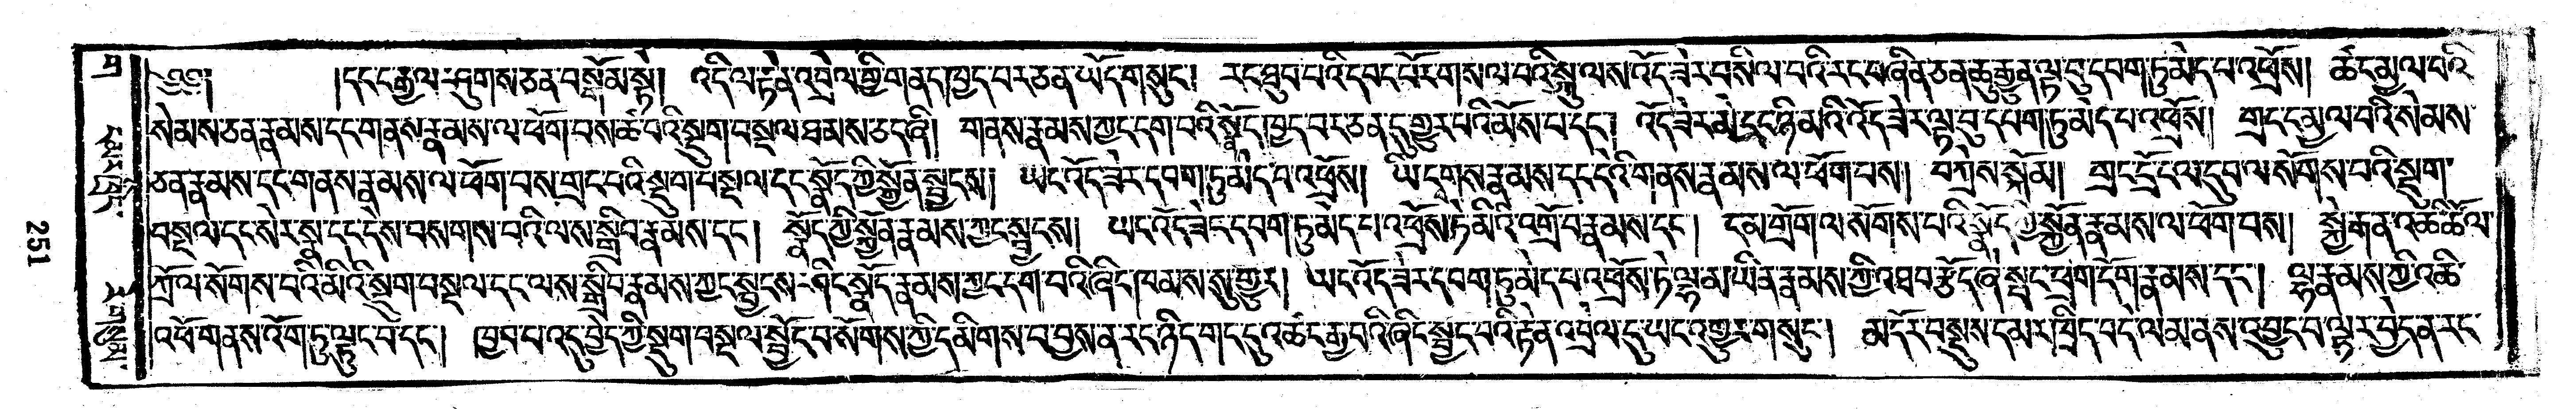༄༅། །དང་ང་རྒྱལ་ཤུགས་ཅན་བསྒོམ་སྟེ། འདི་ལ་རྟེན་འབྲེལ་གྱི་གནང་ཁྱད་པར་ཅན་ཡོད་གསུང་། རང་ཐུབ་པའི་དབང་པོར་གསལ་བའི་སྐུ་ལས་འོད་ཟེར་བསིལ་བའི་རང་བཞིན་ཅན་ཆུ་རྒྱུན་ལྟ་བུ་དཔག་ཏུ་མེད་པ་འཕྲོས། ཚང་མྱལ་བའི་
སེམས་ཅན་རྣམས་དང་གནས་རྣམས་ལ་ཕོག་བས་ཚ་བའི་སྡུག་བསྔལ་ཐམས་ཅད་ཞི། གནས་རྣམས་ཀྱང་དག་པའི་སྣོད་ཁྱད་པར་ཅན་དུ་གྱུར་པའི་མོས་པ་དང་། འོད་ཟེར་མེ་དང་ཉི་མའི་འོད་ཟེར་ལྟ་བུ་དཔག་ཏུ་མེད་པ་འཕྲོས། གྲང་དམྱལ་བའི་སེམས་
ཅན་རྣམས་དང་གནས་རྣམས་ལ་ཕོག་པས་གྲང་བའི་སྡུག་བསྔལ་དང་སྣོད་ཀྱི་སྒྱོན་སྦྱངས། ཡང་འོད་ཟེར་དཔག་ཏུ་མེད་པ་འཕྲོས། ཡི་དྭགས་རྣམས་དང་དེའི་གནས་རྣམས་ལ་ཕོག་པས། བཀྲེས་སྐོམ། གྲང་དྲོ་ངལ་དུབ་ལ་སོགས་པའི་སྡུག་
བསྔལ་དང་སེར་སྣ་དང་དེས་བསགས་པའི་ལ་ས་སྒྲིབ་རྣམས་དང་། སྣོད་ཀྱི་སྐྱོན་རྣམས་ཀྱང་སྦྱངས། ཡང་འོད་ཟེད་དཔག་ཏུ་མེད་པ་འཕྲོས་ཏེ་མིའི་འགྲོ་བ་རྣམས་དང་། དམ་གྲོག་ལ་སོགས་པའི་སྣོད་ཀྱི་སྐྱོན་རྣམས་ལ་ཕོག་བས། སྐྱེ་རྒ་ན་འཆི་ཚོལ་
ཀྲོ་ལ་སོགས་བའི་མིའི་སྡུག་བསྔལ་དང་ལས་སྒྲིབ་རྣམས་ཀྱང་སྦྱངས་ཤིང་སྣོད་རྣམས་ཀྱང་དག་པའི་ཞིང་ཁམས་སུ་གྱུར། ཡང་འོད་ཟེར་དཔག་ཏུ་མེད་པ་འཕྲོས་ཏེ་ལྷ་མ་ཡིན་རྣམས་ཀྱི་འཐབ་རྩོད་ཞེ་སྦང་ཕྲག་དོག་རྣམས་དང་། ལྷ་རྣམས་ཀྱི་འཆི་
འཕོ་གནས་འོག་ཏུ་ལྟུང་བ་དང་། ཁྱབ་པ་འདུ་བྱེད་ཀྱི་སྡུག་བསྔལ་སྦྱོད་བ་སོགས་ཀྱི་དམིགས་བ་བྱས་ན་རང་ཉིད་གང་དུ་འཚང་རྒྱ་བའི་ཞིང་སྦྱང་བའི་རྟེན་འབྲེལ་དུ་ཡང་འགྱུར་གསུང་། མདོར་བསྡུས་དམར་ཁྲིད་བདེ་ལམ་ནས་འབྱུང་བ་ལྟར་བྱེད་ན་རང་